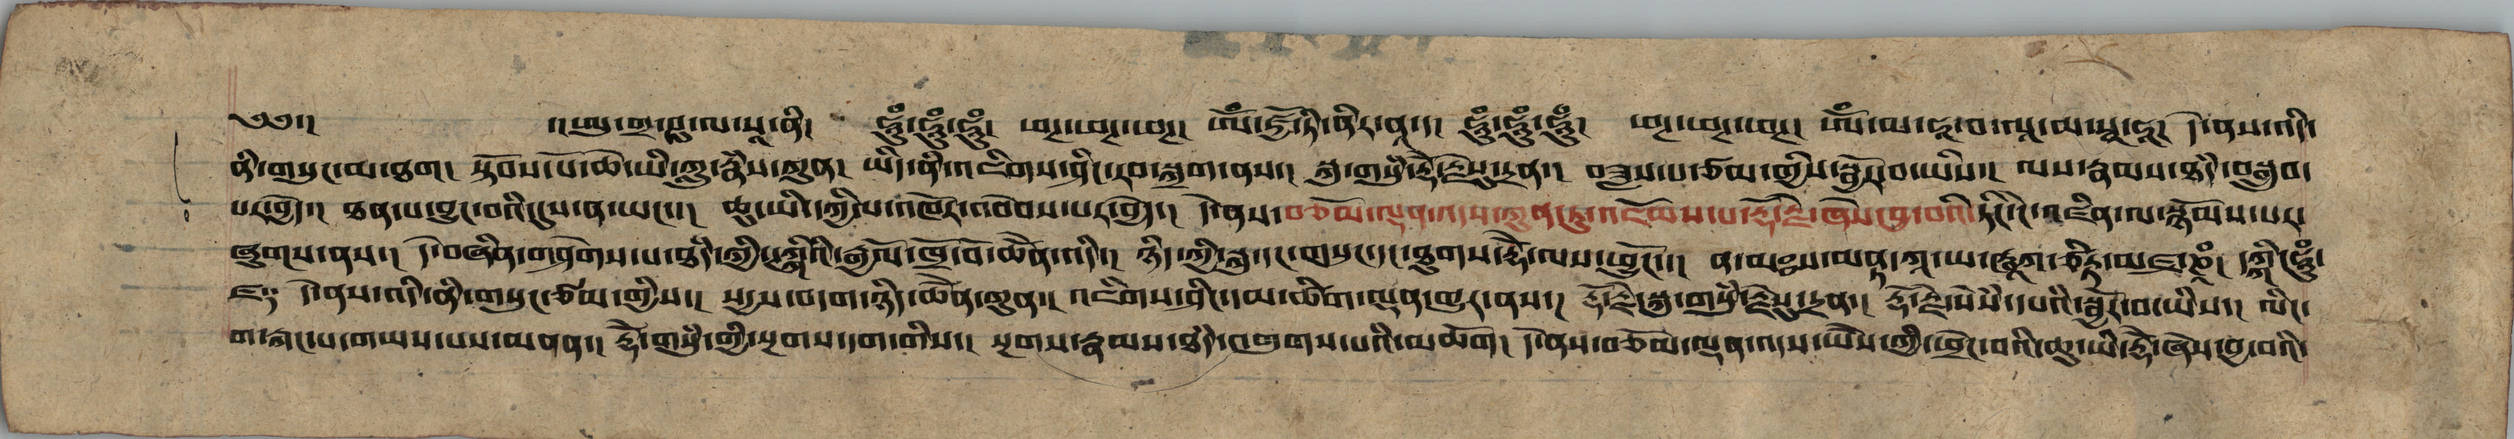༄༅་། ་།ཨུ་གྲ་ཤུ་ལ་སཱ་ནི། ཧཱུཾ་ཧཱུཾ་ཧཱུཾ། ཕཊ་ཕཊ་ཕཊ། ཨོཾ་ཛྱོ་ཏི་ནིར་ནཱ་ད། ཧཱུཾ་ཧཱུཾ་ཧཱུཾ། ཕཊ་ཕཊ་ཕཊ། ཨོཾ་མ་ཧཱ་བ་ལཱ་མ་སྭཱ་ཧཱ། དེ་ནས་འདི་
ནི་གསུང་མ་ཐག། སྟོབས་པོ་ཆེ་ཡི་ཀླུ་རྣཾས་ཀུན། ཡིད་ནི་འཇིགས་ཤིང་རབ་སྐྲག་ནས་། སྐུ་གསུཾ་རྡོེ་རྗེསུ་དྲན་། བཟླས་པ་ཙམ་གྱིས་སྦྱོར་བ་ཡིས་། ལས་རྣམས་ཐཾད་བསྒྲུབ་
པར་བྱེད་། ཐན་པ་བྱུང་བའི་དུས་ན་ཡང་་། ཆུ་ཡི་དཀྱིལ་འཁོར་འབེབས་པར་བྱེད་། དེ་ནས་བཅོམ་ལྡན་འདས་ཀུན་ཏུ་འཇོམས་པ་རྡོ་རྗེ་ཞེས་བྱ་བའི་ཏིང་ངེ་འཛིན་ལ་སྙོམས་པར་
ཞུགས་ནས་། དེ་བཞིན་གཤེགས་པ་ཐཾད་ཀྱི་ཊཀྐིའི་རྒྱལ་ོཁྲོ་བོ་ཆེནོ་འདི་། ཉིད་ཀྱི་སྐུ་དང་གསུང་དང་ཐུགས་རྡཻོ་ལས་ཕྱུངོ་་། ན་མཿས་མནྟ་ཀཱ་ཡ་ཝཱཀ་ཙིཏྟ་བཛྲ་ཎཱཾ་ དཀྐི་ཧཱུཾ་
ཛ༑ དེ་ནས་འདི་ནི་གསུང་ཙམ་གྱིས་། སདྱས་བདག་ཉིད་ཆེནོ་ཀུན་། འཇིགས་ཤིང་དམ་ཚིག་ལྡན་གྱུར་ནས་། རྡོ་རྗེ་སྐུ་གསུམ་རྗེསུ་དྲན་། རྡོ་རྗེ་སེཾས་དཔའི་སྦྱོར་བ་ཡིས་། ལིང་
ག་རྐང་པ་གཡས་པས་མནན་། རྡོེ་གསུཾ་གྱི་སྔགས་དག་གིས་། སྔགས་རྣམས་ཐཾད་འགུགས་པའི་མཆོག། དེ་ནས་བཅོམ་ལྡན་འདས་ཡཻས་ཀྱི་ཕྲེང་བའི་ཆུ་ཡི་རྡོེ་ཞེས་བྱ་བའི་